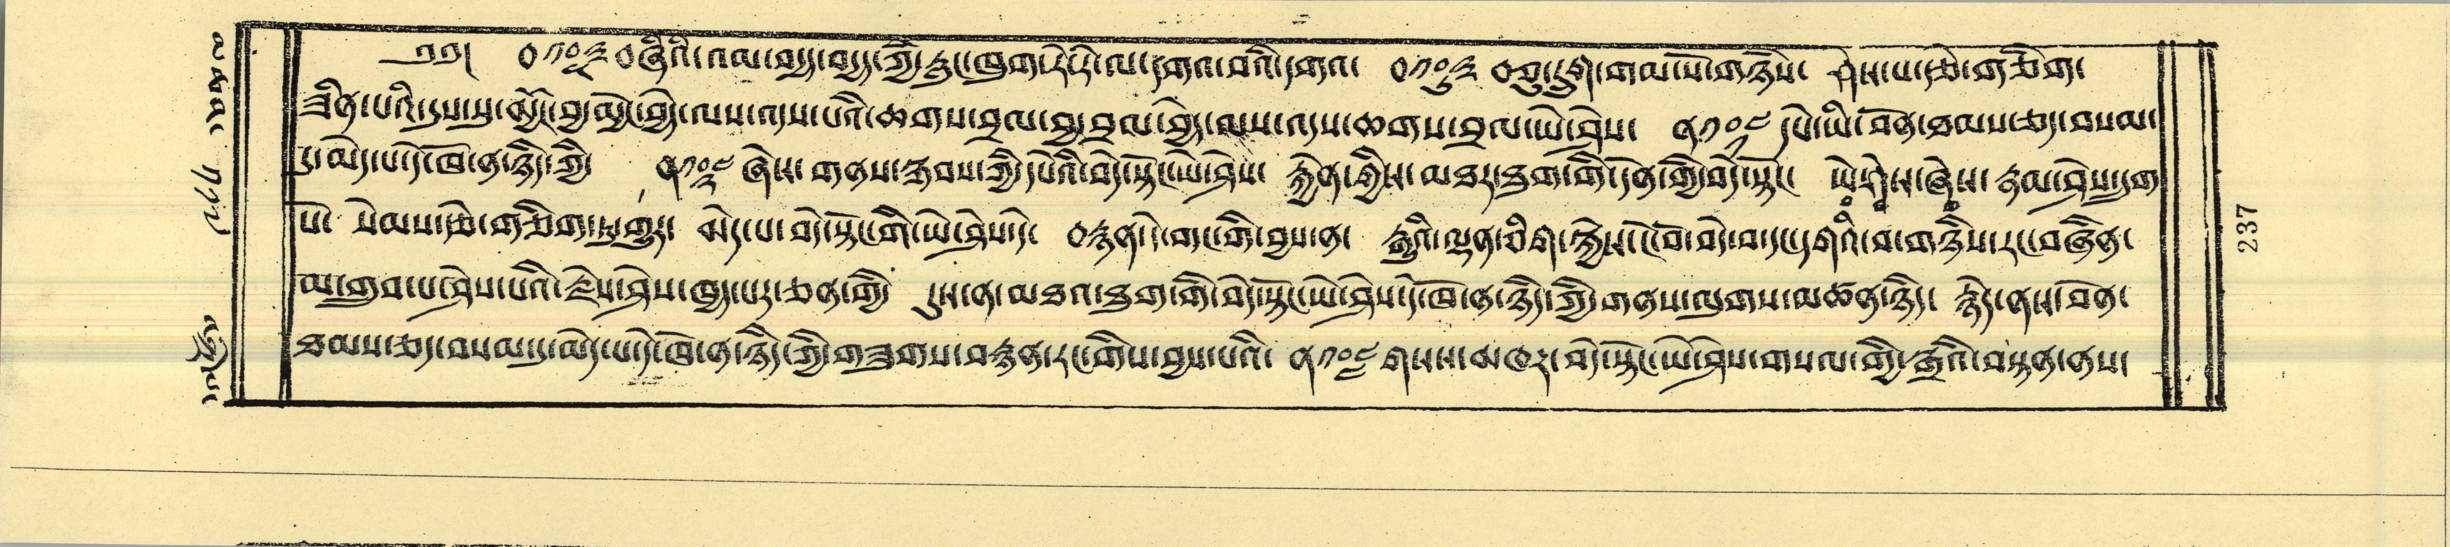བ༡༠༣།༥ བཞིའི་འམ་བརྒྱད་བརྒྱད་ཀྱི་རླུང་ཁུག་རེ་རེ་ལ་དགའ་བའི་དགའ་ བ༡༠༣།༦ བཅུ་དྲུག་གམ་སོ་གཉིས་ ཤེས་པ་རྩེ་གཅིག་
ཟིན་པའི་དུས་སུ་མྱོང་བྱེད་ལས་འདས་པའི་ཆགས་བྲལ་བྱ་བྲལ་བྱེད་ལས་འདས་ཆགས་བྲལ་ཡེ་ཤེས་ ན༡༠༤།༡ དཔེ་ཡི་བོན་ཐམས་ཅད་བསམ་
དུ་མེད་པ་དེ་ཁོ་ན་ཉིད་ཀྱི་ ན༡༠༤།༢ཞེས་གནས་སྐབས་ཀྱི་དཔེའི་བདེ་སྟོང་ཡེ་ཤེས་ རྐྱེན་གྱིས་མཐར་ཐུག་གི་དོན་གྱི་བདེ་སྟོང། ཡེ་ཤེས་ཞེས་ རྣམ་ཤེས་དྲུག་
པོ། སེམས་རྩེ་གཅིག་ཏུ་གྱུར། མེད་པ་བདེ་སྟོང་གི་ཡེ་ཤེས་དེ་ བརྙན་དེ་གང་གི་བྱས་ན། རྒྱུའི་ལྷན་ཅིག་སྐྱེས་ངོ་བོ་བདེ་བ་དང་དགའི་ས་གཉིས་རང་བཞིན་
མ་གྲུབ་པ་ཤེས་པའི་རྗེས་ཤེས་ཁྱད་པར་ཅན་གྱི་ དུས་ན་མཐའ་ཐུག་གི་བདེ་སྟོང་ཡེ་ཤེས་དེ་ཁོ་ན་ཉིད་ཀྱི་གནས་ལུགས་མཚན་ཉིད་ རྙེད་ནས་བོན་
ཐམས་ཅད་བསམ་དུ་མེད་པ་དེ་ཁོ་ན་ཉིད་ཀྱི་གཟུགས་བརྙན་རང་གིས་བྱས་པའི་ ན༡༠༤།༤ གསས་མཁར་བདེ་སྟོང་ཡེ་ཤེས་གསལ་གྱི་སྒྲའི་བསྟན་ནས་